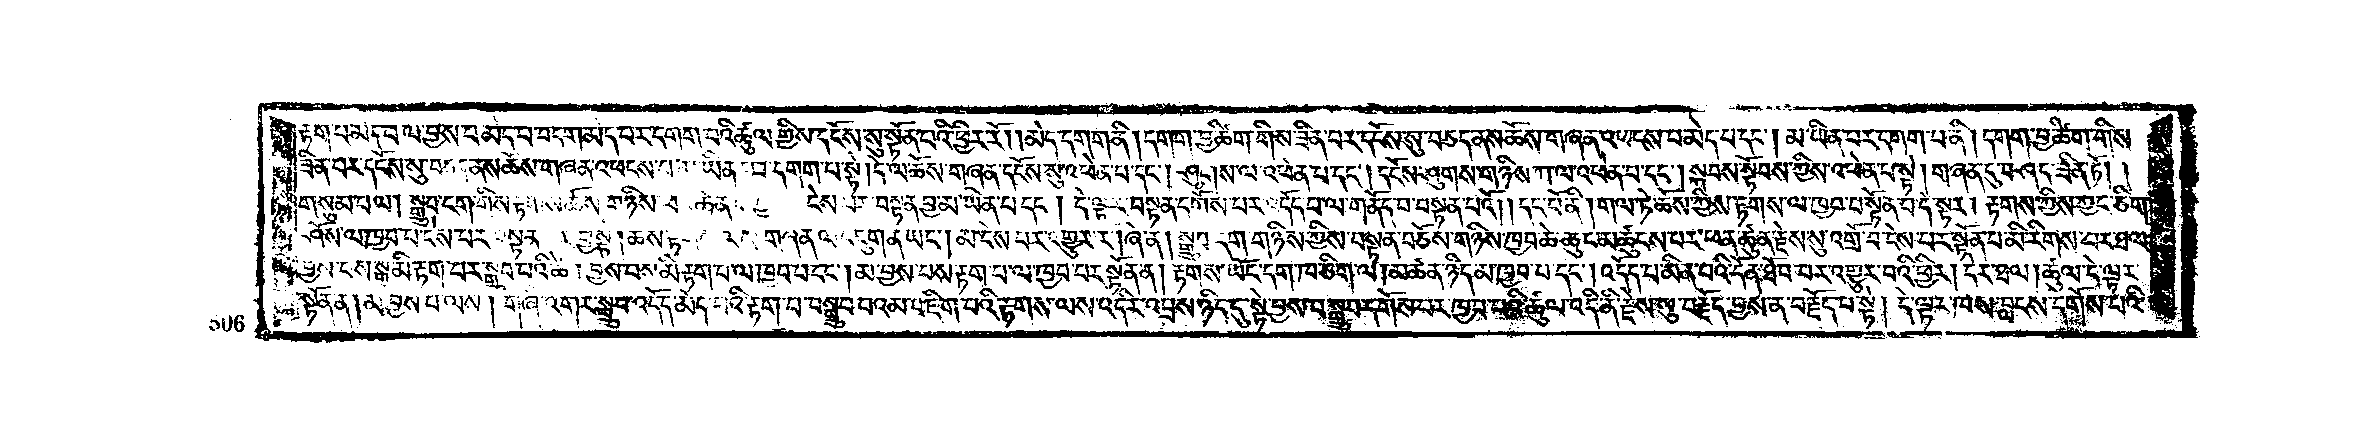རྟག་པ་མེད་པ་ལ་བྱས་པ་མེད་པ་བདག་མེད་པར་དགག་པའི་ཚུལ་གྱིས་དངོས་སུ་སྟོན་པའི་ཕྱིར་རོ། །མེད་དགག་ནི། དགག་བྱ་ཚིག་གིས་ཟིན་པར་དངོས་སུ་བཅད་ནས་ཆོས་གཞན་འཕངས་པ་མེད་པ་དང་། མ་ཡིན་པར་དགག་པ་ནི། དགག་བྱ་ཚིག་གིས་
ཟིན་པར་དངོས་སུ་བཅད་ནས་ཆོས་གཞན་འཕངས་པ་མ་ཡིན་པ་དགག་པ་སྟེ། དེ་ལ་ཆོས་གཞན་དངོས་སུ་འཕེན་པ་དང་། ཤུགས་ལ་འཕེན་པ་དང་། དངོས་ཤུགས་གཉིས་ཀ་ལ་འཕེན་པ་དང་། སྐབས་སྟོབས་ཀྱིས་འཕེན་པ་སྟེ། གཞན་དུ་བཤད་ཟིན་ཏོ། །
གསུམ་པ་ལ་སྒྲུབ་ངག་གི་རྟགས་ཆོས་གཉིས་ཕར?་ཆེན་ཁྱབ?་པ་ངེས་པར་བསྟན་བྱ་མ་ཡིན་པ་དང་། དེ་ལྟར་བསྟན་དགོས་པར་འདོད་པ་ལ་གནོད་པ་བསྟན་པའོ། །དང་པོ་ནི། གལ་ཏེ་ཆོས་ཀྱི་རྟགས་ལ་ཁྱབ་པ་སྟོན་པ་དེ་སྟར། རྟགས་ཀྱིས་ཀྱང་ཅིག་
ཤོས་ལ་ཁྱབ་པ་ངེས་པར་བསྟན་པར་བྱ་སྟེ། ཆོས་རྟགས་ལས་གཞན་ལ་འཇུག་ན་ཡང་། མ་ངེས་པར་འགྱུར་རོ། །ཞེ་ན། སྒྲུབ་ངག་གཉིས་ཀྱིས་བསྟན་བཅོས་གཉིས་ཁྱབ་ཆེ་ཆུང་མཚུངས་པར་འཕན་ཚུན་རྗེས་སུ་འགྲོ་བ་ངེས་པར་སྟོན་པ་མི་རིགས་པར་ཐལ་
བྱས་པས་སྒྲ་མི་རྟག་པར་སྒྲུབ་པའི་ཚེ། བྱས་པས་མི་རྟག་པ་ལ་ཁྱབ་པ་དང་། མ་བྱས་པས་རྟག་པ་ལ་ཁྱབ་པར་སྟོན་ན། རྟགས་ཡོང་དག་ཁ་ཅིག་ལ། མཚན་ཉིད་མ་ཁྱབ་པ་དང་། འདོད་པ་མིན་པའི་དོན་ཐོབ་པར་འགྱུར་བའི་ཕྱིར། དེར་ཐལ། ཚུལ་དེ་ལྟར་
སྟོན་ན། མ་བྱས་པ་ལས། གཞི་འགར་སྒྲུབ་འདོད་མེད་པའི་རྟག་པ་བསྒྲུབ་པའམ་འཇིག་པའི་རྟགས་ལས་འདིར་འབྲས་ཉིད་དུ་སྟེ་བྱས་པ་སྒྲུབ་དགོས་པར་ཁྱབ་པའི་ཚུལ་འདི་ནི་རྗེས་སུ་བརྗོད་བྱས་ན་བརྗོད་པ་སྟེ། དེ་ལྟར་ཁས་བླངས་དགོས་པའི་